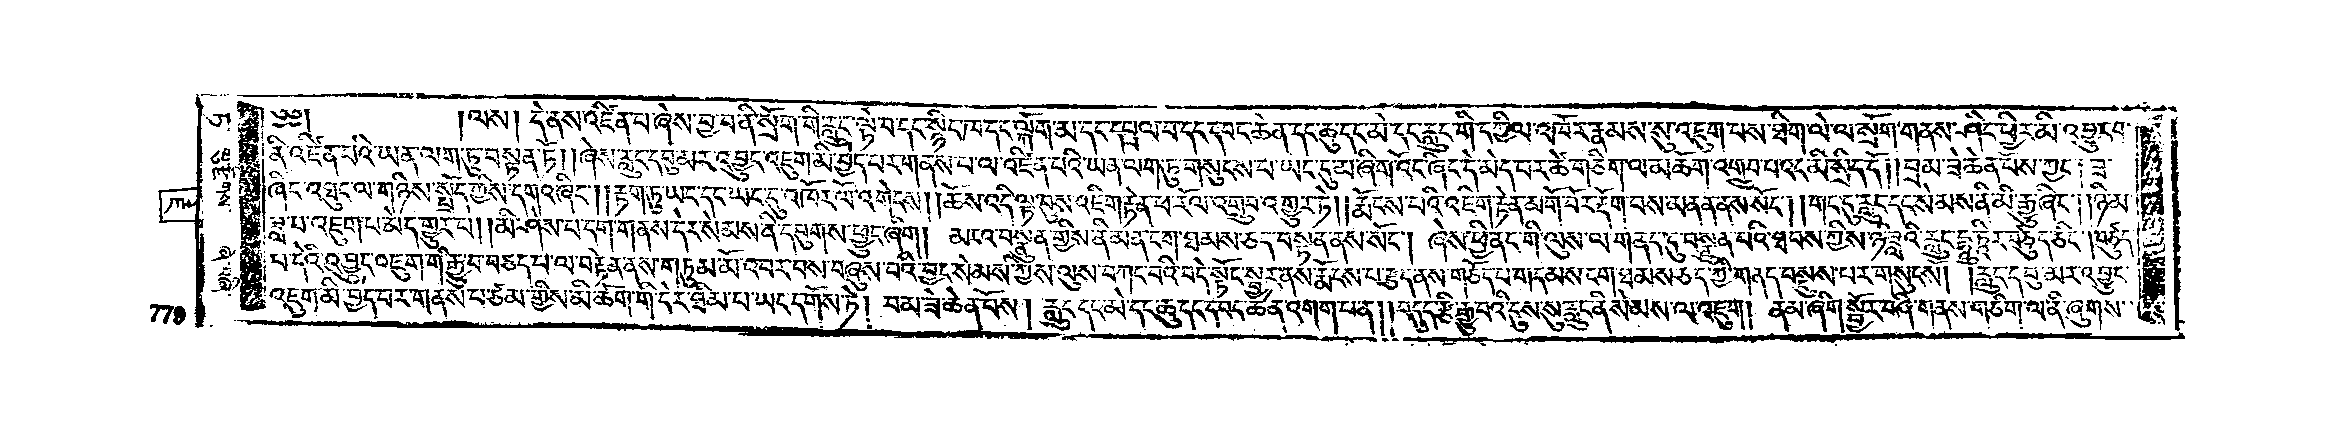༄༅། །ལས། དེ་ནས་འཛིན་པ་ཞེས་བྱ་བ་ནི་སྲོག་གི་རླུང་ལྟེ་བ་དང་སྙིང་ཁ་དང་ལྐོག་མ་དང་དཔྲལ་བ་དང་དབང་ཆེན་དང་ཆུ་དང་མེ་དང་རླུང་གི་དཀྱིལ་འཁོར་རྣམས་སུ་འཇུག་པས་ཐིག་ལེ་ལ་སྲོག་གནས་ཤིང་ཕྱིར་མི་འབྱུང་བ་
ནི་འཛིན་པའི་ཡན་ལག་ཏུ་བསྟན་ཏོ། །ཞེས་རླུང་དབུ་མར་འབྱུང་འཇུག་མི་བྱེད་པར་གནས་པ་ལ་འཛིན་པའི་ཡན་ལག་ཏུ་གསུངས་པ་ཡང་དུ་མ་ཞིག་འོང་ཞིང་དེ་མེད་པར་ཚེ་གཅིག་ལ་མཆོག་འགྲུབ་པའང་མི་སྲིད་དོ། །བྲམ་ཟེ་ཆེན་པོས་ཀྱང་། ཟ་
ཞིང་འཐུང་ལ་གཉིས་སྤྲོད་ཀྱིས་དགའ་ཞིང་། །རྟག་ཏུ་ཡང་དང་ཡང་དུ་འཁོར་ལོ་འགེངས། །ཆོས་འདི་ལྟ་བུས་འཇིག་རྟེན་ཕ་རོལ་འགྲུབ་འགྱུར་ཏེ། །རྨོངས་པའི་འཇིག་རྟེན་མགོ་བོར་རྡོག་བས་མན་ནས་སོང་། །གང་དུ་རླུང་དང་སེམས་ནི་མི་རྒྱུ་ཞིང་། །ཉི་མ་
ཟླ་བ་འཇུག་པ་མེད་གྱུར་པ། །མི་ཤེས་པ་དག་གནས་དེར་སེམས་ནི་དབུགས་ཕྱུང་ཞིག །མདའ་བསྣུན་གྱིས་ནི་མན་ངག་ཐམས་ཅད་བསྟན་ནས་སོང་། ཞེས་ཕྱི་ནང་གི་ལུས་ལ་གནད་དུ་བསྣུན་པའི་ཐབས་ཀྱིས་ཉི་ཟླའི་རླུང་དྷཱུ་ཏཱིར་བཙུད་ཅིང་། བཙུད་
པ་དེའི་འབྱུང་འཇུག་གི་རྒྱུ་བ་བཅད་པ་ལ་བརྟེན་ནས་གཏུམ་མོ་འབར་བས་བཞུས་པའི་བྱང་སེམས་ཀྱིས་ལུས་བཀང་བའི་བདེ་སྟོང་སྦྱར་ནས་རྨོངས་པ་རྩད་ནས་གཅོད་པ་གདམས་ངག་ཐམས་ཅད་ཀྱི་གནད་བསྡུས་པར་གསུངས་སོ། །རླུང་དབུ་མར་འབྱུང་
འཇུག་མི་བྱེད་པར་གནས་པ་ཙམ་གྱིས་མི་ཆོག་གི་དེར་ཐིམ་པ་ཡང་དགོས་ཏེ། བྲམ་ཟེ་ཆེན་པོས། རླུང་དང་མེ་དང་ཆུ་དང་དབང་ཆེན་འགག་པ་ན། །བདུད་རྩི་རྒྱུ་བའི་དུས་སུ་རླུང་ནི་སེམས་ལ་འཇུག །ནམ་ཞིག་སྦྱོར་བཞི་གནས་གཅིག་ལ་ནི་ཞུགས་